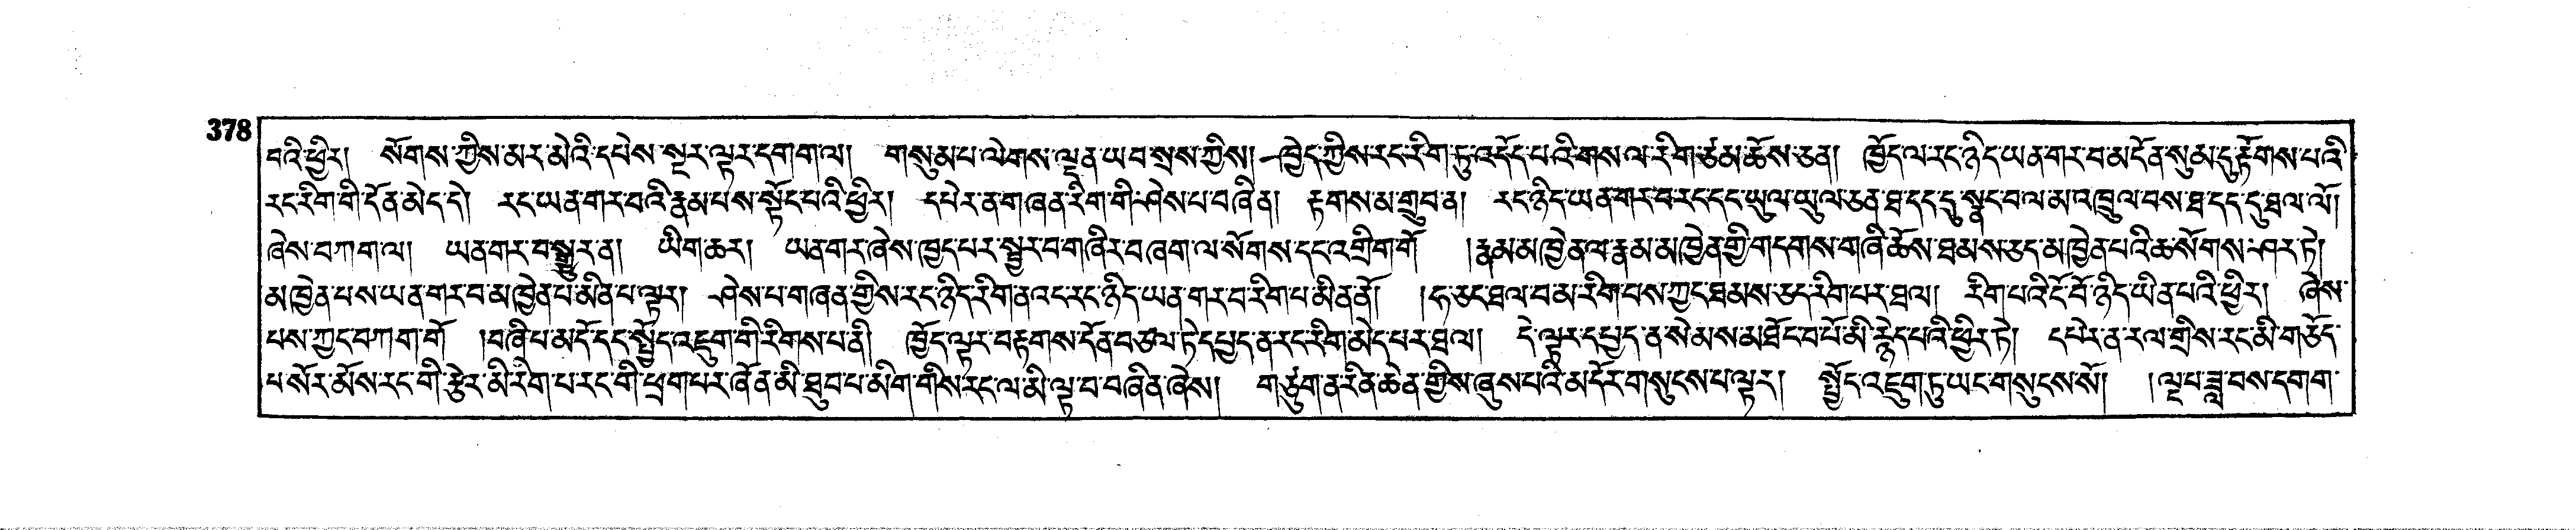བའི་ཕྱིར། སོགས་ཀྱིས་མར་མེའི་དཔེས་སྔར་ལྟར་དགག་ལ། གསུམ་པ་ལེགས་ལྡན་ཡབ་སྲས་ཀྱིས། ཁྱེད་ཀྱིས་རང་རིག་ཏུ་འདོད་པའི་གསལ་རིག་ཙམ་ཆོས་ཅན། ཁྱོད་ལ་རང་ཉིད་ཡན་གར་བ་མངོན་སུམ་དུ་རྟོགས་པའི་
རང་རིག་གི་དོན་མེད་དེ། རང་ཡན་གར་བའི་རྣམ་པས་སྟོང་པའི་ཕྱིར། དཔེར་ན་གཞན་རིག་གི་ཤེས་པ་བཞེན། རྟགས་མ་གྲུབ་ན། རང་ཉིད་ཡན་གར་བ་རང་དང་ཡུལ་ཡུལ་ཅན་ཐ་དང་དུ་སྣང་བ་ལ་མ་འཁྲུལ་བས་ཐ་དད་དུ་ཐལ་ལོ།
ཞེས་བཀག་ལ། ཡན་གར་བསྒྱུར་ན། ཡིག་ཆར། ཡན་གར་ཞེས་ཁྱད་པར་སྦྱར་བ་གཞིར་བཞག་ལ་སོགས་དང་འགྲིག་གོ །རྣམ་མཁྱེན་ལ་རྣམ་མཁྱེན་གྱི་གདགས་གཞི་ཆོས་ཐམས་ཅད་མཁྱེན་པའི་ཆ་སོགས་ཤར་ཏེ།
མཁྱེན་པས་ཡན་གར་བ་མཁྱེན་པ་མིན་པ་ལྟར། ཤེས་པ་གཞན་གྱིས་རང་ཉིད་རིག་ནའང་རང་ཉིད་ཡན་གར་བ་རིག་པ་མིན་ནོ། །ཧ་ཅང་ཐལ་བ་མ་རིག་པས་ཀྱང་ཐམས་ཅད་རིག་པར་ཐལ། རིག་པའི་ངོ་བོ་ཉིད་ཡིན་པའི་ཕྱིར། ཞེས་
པས་ཀྱང་བཀག་གོ །བཞི་པ་མདོ་དང་སྤྱོད་འཇུག་གི་རིགས་པ་ནི། ཁྱོད་ལྟར་བརྟགས་དོན་བཙལ་ཏེ་དཔྱད་ན་རང་རིག་མེད་པར་ཐལ། དེ་ལྟར་དཔྱད་ན་སེམས་མཐོང་བ་པོ་མི་རྙེད་པའི་ཕྱིར་ཏེ། དཔེར་ན་རལ་གྲིས་རང་མི་གཅོད་
པ་སོར་མོས་རང་གི་རྩེར་མི་རིག་པ་རང་གི་ཕྲག་པར་ཞོན་མི་ཐུབ་པ་མིག་གིས་རང་ལ་མི་ལྟ་བ་བཞིན་ཞེས། གཙུག་ན་རིན་ཆེན་གྱིས་ཞུས་པའི་མདོར་གསུངས་པ་ལྟར། སྤྱོད་འཇུག་ཏུ་ཡན་གསུངས་སོ། །ལྔ་པ་ཟླ་བས་དགག་